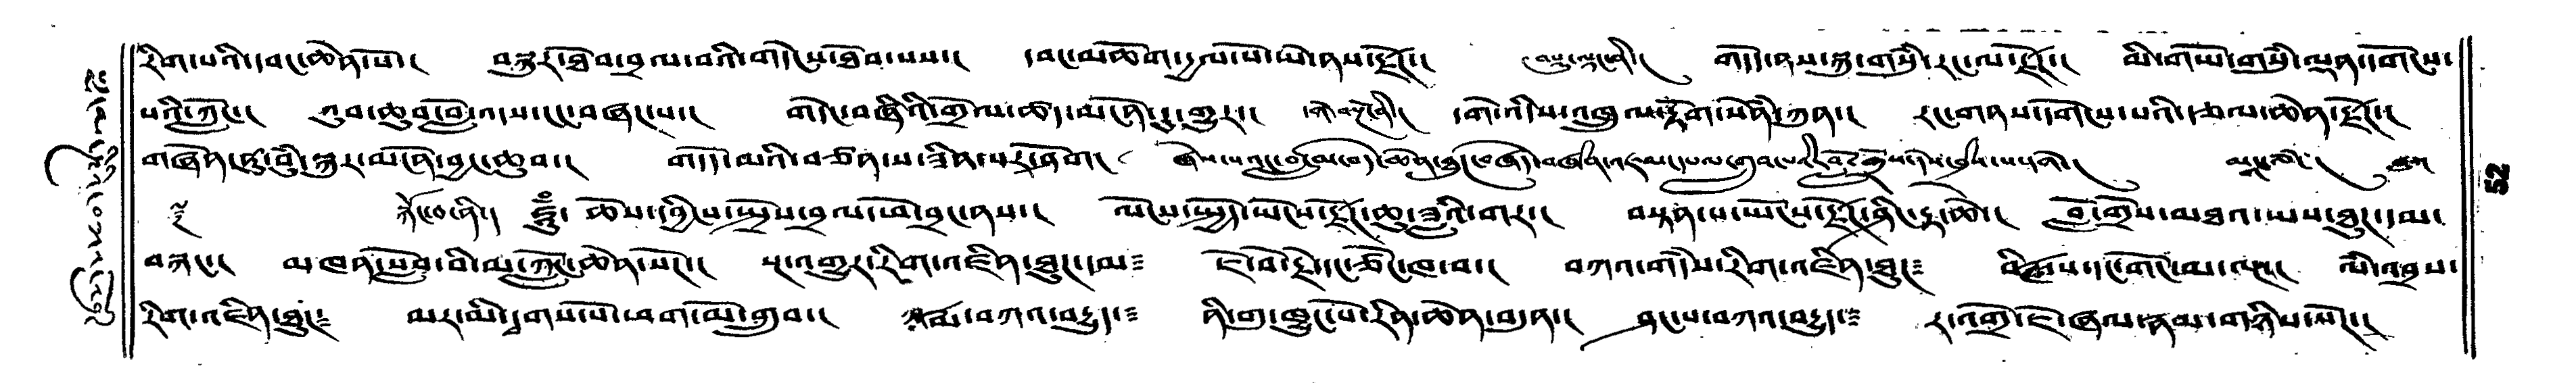རིག་པའི་དབང་ཆེན་པོ། །བསྐུར་ཐོབ་བྲལ་བའི་གདེང་ཐོབ་པས། །དབང་མཆོག་རྒྱལ་པོ་ཡེ་ནས་རྫོགས། བསྡུ་ལྡང་ནི། གདོད་ནས་སྐུ་གསུམ་རང་ལ་རྫོགས། །མི་གཡོ་གསུམ་ལྡན་དགོངས་
པའི་ཀློང་། །འུབ་ཆུབ་བློ་འདས་ངང་བཞག་པས། །གདེང་བཞིའི་གྲོལ་ཚད་མངོན་དུ་གྱུར། ། དགེ་བསྔོ་ནི། དགེ་འདིས་འཁྲུལ་རྟོག་སེམས་ཅན་ཀུན། །རང་གནས་དགོངས་པའི་རྩལ་ཆེན་རྫོགས། །
གཞོན་ནུ་བུམ་སྐུར་མངོན་བྱང་ཆུབ། །གདོད་མའི་བཙན་ས་ཟིན་པར་ཤོག ཞེས་པའང་བླ་མ་བདེ་ཆེན་ཐུགས་བཞེད་བཞིན་འཇམ་དཔལ་གྲུབ་པའི་བློ་གྲོས་དེས་བྲིས་པ་དགེ། མངྒ་ལམ། 
༈ སྐོང་བ་ནི། ཧཱུྃ། ཆོས་དབྱིངས་སྤྲོས་བྲལ་ཕོ་བྲང་ནས། །ལོངས་སྤྱོད་ཡོངས་རྫོགས་ཆུ་ཟླའི་གར། །བསྟན་པ་ཡོངས་རྫོགས་ཤིང་རྟ་ཆེ། །བློ་གྲོས་མཐའ་ཡས་ཐུགས་དམ་
བསྐང་། མཁན་སློབ་བཱི་མ་ཀློང་ཆེན་སོགས། །སྔ་འགྱུར་རིག་འཛིན་ཐུགས་དམ་བསྐང་། །ཇོ་བོ་རྗེ་དང་ཙོང་ཁ་བ། །བཀའ་གདམས་རིག་འཛིན་ཐུགས་དམ་བསྐང་། །བིརྦས་པ་དང་གོང་མ་ལྔ། །ལམ་འབྲས་
རིག་འཛིན་ཐུགས༴ མར་མི་དྭགས་པོ་ཕག་མོ་གྲུ། །ཀརྨ་བཀའ་བརྒྱུད༴ ནེ་གུ་ཁྱུང་པོ་རིན་ཆེན་བདུན། །ཤངས་པ་བཀའ་བརྒྱུད༴ ར་འགྲོ་ཇོ་ཞལ་རྣམ་གཉིས་སོགས།